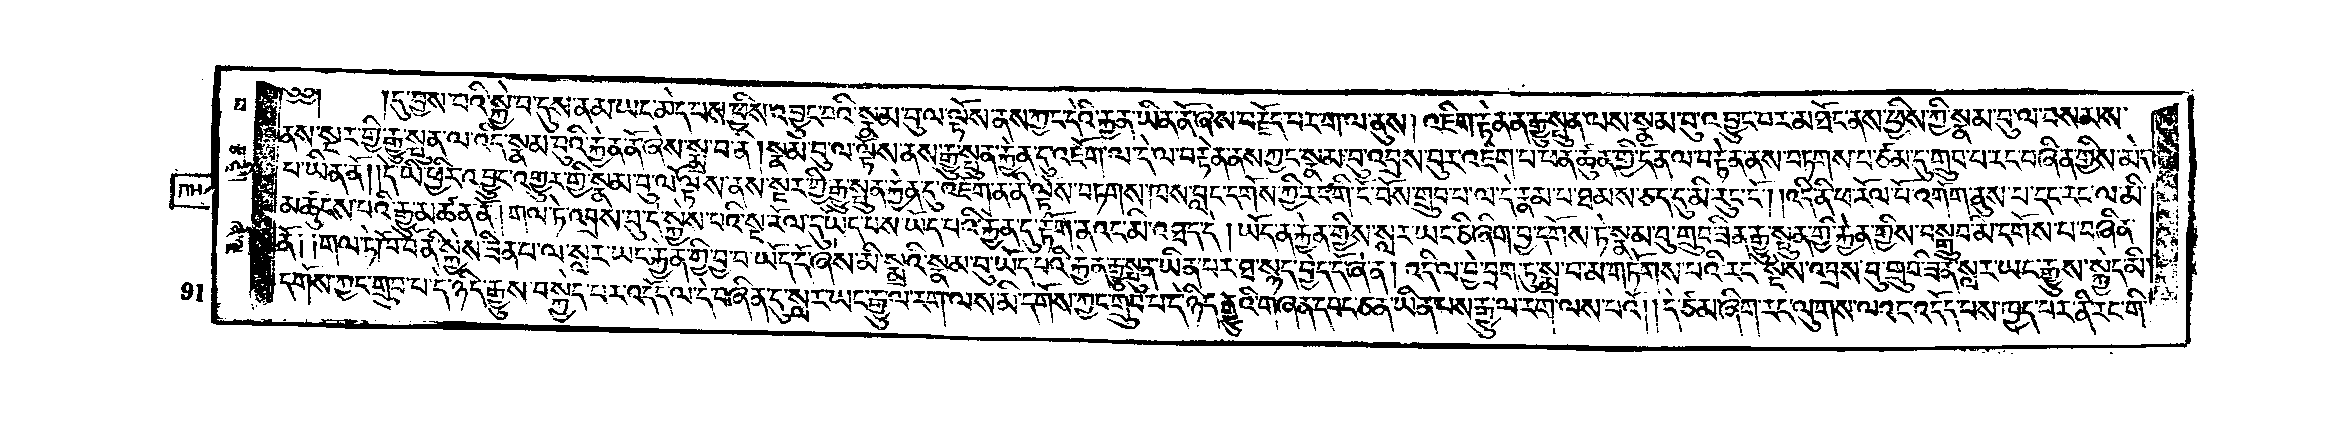༄༅། །དུ་བྱས་པའི་སྐྱེ་བ་དུས་ནམ་ཡང་མེད་པས་ཕྱིས་འབྱུང་བའི་སྣམ་བུ་ལ་ལྟོས་ན་ཀྱང་དེའི་རྐྱེན་ཡིན་ནོ་ཞེས་བརྗོད་པ་ག་ལ་ནུས། འཇིག་རྟེན་ན་རྒྱུ་སྤུན་ལས་སྣམ་བུ་འབྱུང་བར་མཐོང་ནས་ཕྱིས་ཡི་སྣམ་བུ་ལ་བསམས་
ནས་སྔར་གྱི་རྒྱུ་སྤུན་ལ་འདི་སྣམ་བུའི་རྐྱེན་ནོ་ཞེས་སྨྲ་བ་ནི། སྣམ་བུ་ལ་ལྟོས་ནས་རྒྱུ་སྤུན་རྐྱེན་དུ་འཇོག་ལ་དེ་ལ་བརྟེན་ནས་ཀྱང་སྣམ་བུ་འབྲས་བུར་འཇིག་པ་ཕན་ཚུན་གྱི་དོན་ལ་བརྟེན་ནས་བཏགས་པ་ཙམ་དུ་གྲུབ་པ་རང་བཞིན་གྱིས་མེད་
པ་ཡིན་ནོ། །དེ་ཡི་ཕྱིར་འབྱུང་འགྱུར་གྱི་སྣམ་བུ་ལ་ལྟོས་ནས་སྔར་གྱི་རྒྱུ་སྤུན་རྐྱེན་དུ་འཇོག་ན་ནི་ལྟོས་བཏགས་ཁས་བླང་དགོས་ཀྱི་རང་གི་ངོ་བོས་གྲུབ་པ་ལ་དེ་རྣམ་པ་ཐམས་ཅད་དུ་མི་རུང་ངོ། །འདི་ནི་ཕ་རོལ་པོ་འགོག་ནུས་པ་དང་རང་ལ་མི་
མཚུངས་པའི་རྒྱུ་མཚན་ནོ། །གལ་ཏེ་འབྲས་བུ་དེ་སྐྱེས་པའི་སྔ་རོལ་དུ་ཡོད་པས་ཡོད་པའི་རྐྱེན་དུ་རྟོག་ནའང་མི་འཐད་དེ། ཡོད་ན་རྐྱེན་གྱིས་སླར་ཡང་ཅི་ཞིག་བྱ་དགོས་ཏེ་སྣམ་བུ་གྲུབ་ཟིན་རྒྱུ་སྤུན་གྱི་རྐྱེན་གྱིས་བསྒྲུབ་མི་དགོས་པ་བཞིན་
ནོ༑ ༑གལ་ཏེ་ཁོ་བོ་ནི་སྐྱེས་ཟིན་པ་ལ་སླར་ཡང་རྐྱེན་གྱི་བྱ་བ་ཡོད་དོ་ཞེས་མི་སྨྲའི་སྣམ་བུ་ཡོད་པའི་རྐྱེན་རྒྱུ་སྤུན་ཡིན་པར་ཐ་སྙད་བྱེད་དོ་ཞེ་ན། འདི་ལ་བྱེ་བྲག་ཏུ་སྨྲ་བ་མ་གཏོགས་པའི་རང་སྔས་འབྲས་བུ་གྲུབ་ཟིན་སླར་ཡང་རྒྱུས་སྐྱེད་མི་
དགོས་ཀྱང་གྲུབ་པ་དེ་ཉིད་རྒྱུས་བསྐྱེད་བར་འདོད་ལ་དེ་བཞིན་དུ་སླར་ཡང་རྒྱུ་ལ་རག་ལས་མི་དགོས་ཀྱང་གྲུབ་བ་དེ་ཉིད་རྒྱུའི་གཞན་དབང་ཅན་ཡིན་པ་རྒྱུ་ལ་རག་ལས་པའོ། །དེ་ཙམ་ཞིག་རང་ལུགས་ལའང་འདོད་པས་ཁྱད་པར་ནི་རང་གི་